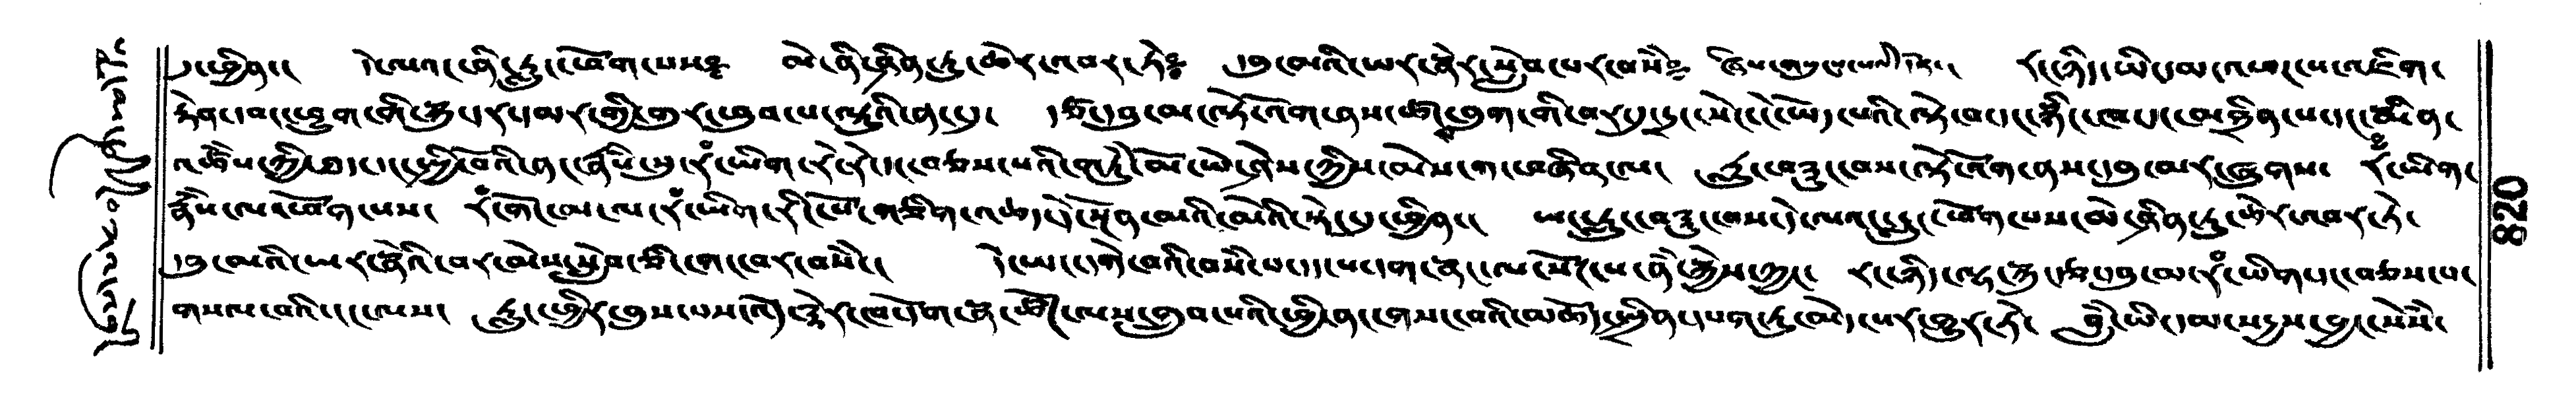དུ་ཕྱིན། །དེ་ལའང་ནི་རླུང་ཕོག་པས། །མེ་ནི་ཤིན་ཏུ་ཆེར་འབར་ཏེ། །དབུ་མའི་ཡར་སྣེར་སླེབས་པར་བསམ། ཞེས་གསུངས་པའི་དོན། རང་ཉིད་ཡི་དམ་འཕགས་པ་འཇིག་
རྟེན་དབང་ཕྱུག་སྐུ་དམར་གྱི་གུར་ཕུབ་པ་ལྟ་བུའི་ནང་དུ། རྩ་དབུ་མ་ལྟེ་འོག་ནས་ཚངས་བུག་གི་བར་དུ་དྲང་སེང་ངེ་ཡོད་པའི་ལྟེ་བ་དང་སྙིང་ཁ་དང་མགྲིན་པ་དང་སྨིན་
འཚམས་ཀྱི་ཐད་དང་སྤྱི་བོའི་ནང་རྣམས་སུ་རཾ་ཡིག་རེ་རེ་དང་བཅས་པའི་གཏུམ་མོ་ཡེ་ཤེས་ཀྱིས་མེས་གང་བཞིན་ལ། རླུང་བཟུང་བས་ལྟེ་འོག་ནས་དབུ་མར་ཞུགས། རྃ་ཡིག་་
རྣམས་ལ་ཕོག་པས། རྃ་གོང་མ་ལ་རྃ་ཡིག་རིང་པོ་གཅིག་འཆད་དེ་སྔོན་མའི་མེའི་སྟེང་དུ་ཕྱིན། ཡང་རླུང་བཟུང་བས་དེ་ལའང་རླུང་ཕོག་པས་མེ་ཤིན་ཏུ་ཆེར་འབར་ཏེ། 
དབུ་མའི་ཡར་སྣེའི་བར་མེ་སླེབ་ཅིང་གང་བར་བསམ། དེ་ཡང་དགེ་བའི་བསམ་པ་དད་པ་དག་སྣང་ལ་སོགས་པ་ནམ་སྐྱེས་ཀྱང་། རང་ཉིད་ལྷ་སྐུ་རྩ་དབུ་མ་རྃ་ཡིག་དང་བཅས་པ་
གསལ་བའི་ངང་ལས། རླུང་ཕྱིར་བུས་པས་འོད་ཟེར་ཁ་དོག་སྣ་ཚོགས་ལས་གྲུབ་པའི་ཕྱི་ནང་གསང་བའི་མཆོད་སྤྲིན་དཔག་ཏུ་མེད་པར་གྱུར་ཏེ། བླ་མ་ཡི་དམ་སངས་རྒྱས་བྱང་སེམས་